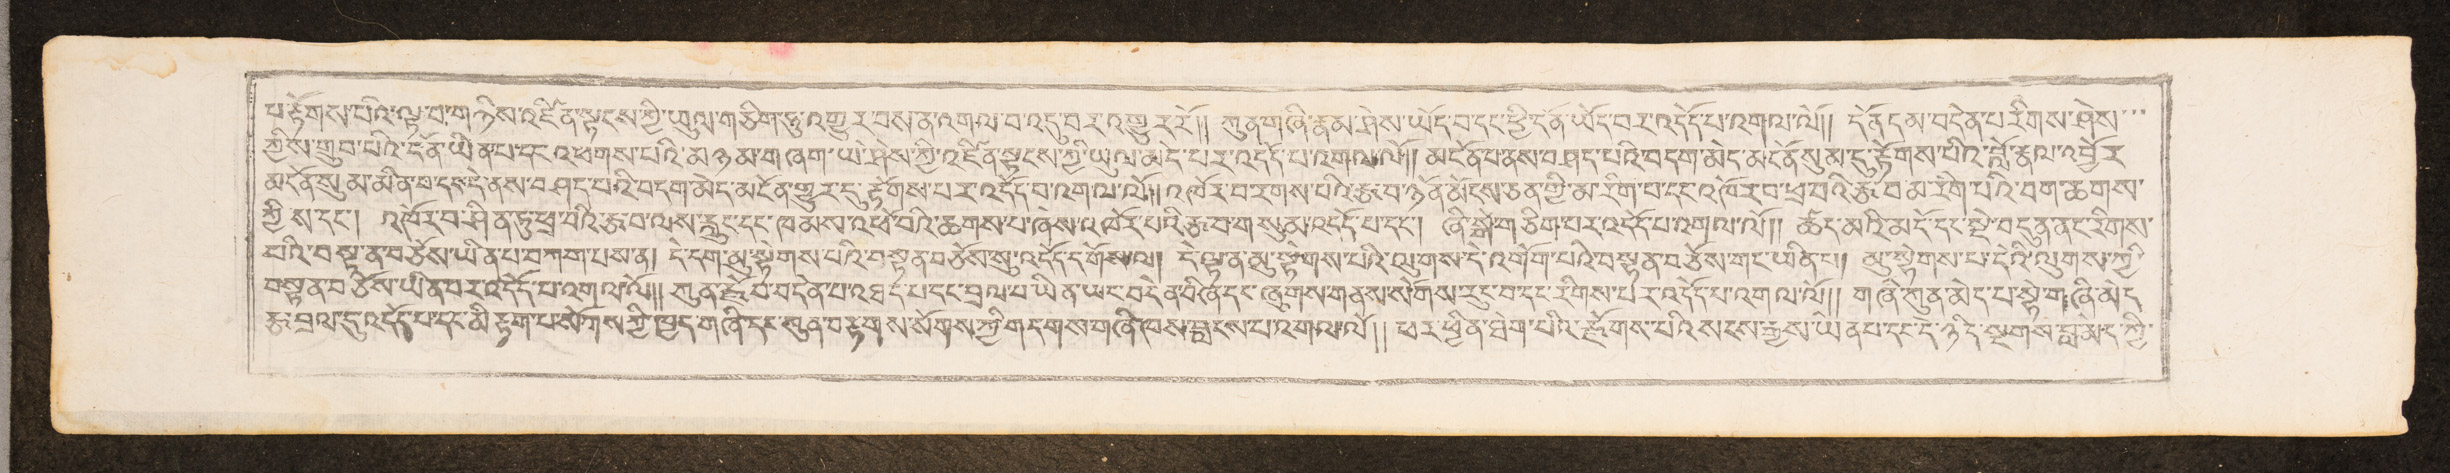བརྟོགས་པའི་ལྟ་བ་གཉིས་འཛིན་སྟངས་ཀྱི་ཡུལ་གཅིག་ཏུ་འགྱུར་བས་ན་འགལ་བ་འདུ་བར་འགྱུར་རོ། །ཀུན་གཞི་རྣམ་ཤེས་ཡོད་པ་དང་ཕྱི་དོན་ཡོད་པར་འདོད་པ་འགལ་ལོ། །དོན་དམ་བདེན་པ་རིགས་ཤེས་
ཀྱིས་གྲུབ་པའི་དོན་ཡིན་པ་དང་འཕགས་པའི་མཉམ་གཞག་ཡེ་ཤེས་ཀྱི་འཛིན་སྟངས་ཀྱི་ཡུལ་མེད་པར་འདོད་པ་འགལ་ལོ། །མངོན་པ་ནས་བཤད་པའི་བདག་མང་མངོན་སུམ་དུ་རྟོགས་པའི་བློ་རྩལ་འབྱོར་
མངོན་སུམ་མིན་པ་དང་དེ་ནས་བཤད་པའི་བདག་མེད་མངོན་གྱུར་དུ་རྟོགས་པར་འདོད་པ་འགལ་ལོ། །འཁོར་བ་རགས་པའི་རྩ་བ་ཉོན་མོངས་ཅན་གྱི་མ་རིགས་པ་དང་འཁོར་བ་ཕྲ་བའི་རྩ་བ་མ་རིག་པའི་བག་ཆགས་
ཀྱིས་དང་། འཁོར་བ་ཤིན་ཏུ་ཕྲ་བའི་རྩ་བ་ལས་རླུང་དང་ཁམས་འཕོ་བའི་ཆགས་པ་ཞེས་འཁོར་པའི་རྩ་བ་གསུམ་འདོད་པ་དང་། ཞི་སྒོ་གཅིག་པར་འདོད་པ་འགལ་ལོ། །ཚད་མའི་མདོ་དང་སྡེ་བདུན་ནང་རིགས་
པའི་བསྟན་བཅོས་ཡིན་པ་བཀག་པས་ན། དེ་དག་མུ་སྟེགས་པའི་བསྟན་བཅོས་སུ་འདོད་དགོས་ལ། དེ་ལྟ་ན་མུ་སྟེགས་པའི་ལུགས་དེ་འགོག་པའི་བསྟན་བཅོས་གང་ཡིན་པ། མུ་སྟེགས་པ་དེའི་ལུགས་ཀྱི་
བསྟན་བཅོས་ཡིན་པར་འདོད་པ་འགལ་ལོ། །ཀུན་རྫོབ་བདེན་པ་འཐད་པ་དང་བྲལ་བ་ཡིན་ཡང་བདེན་བཞི་དང་ཞུགས་གནས་སོགས་རུང་བ་དང་རིགས་པར་འདོད་པ་འགལ་ལོ། །གཞི་ཀུན་མེད་པ་སྟེ་གཞི་མེད་
རྩ་བྲལ་དུ་འདོད་པ་དང་མི་རྟག་པ་སོགས་ཀྱི་ཁྱད་གཞི་དང་ཀུན་བརྟགས་སོགས་ཀྱི་གདགས་གཞི་ཁས་བླངས་པ་འགལ་ལོ། །ཕར་ཕྱིན་ཐེག་པའི་རྫོགས་པའི་སངས་རྒྱས་ཡིན་པ་དང་དེ་ཉིད་སྔགས་བླ་མེད་ཀྱི་